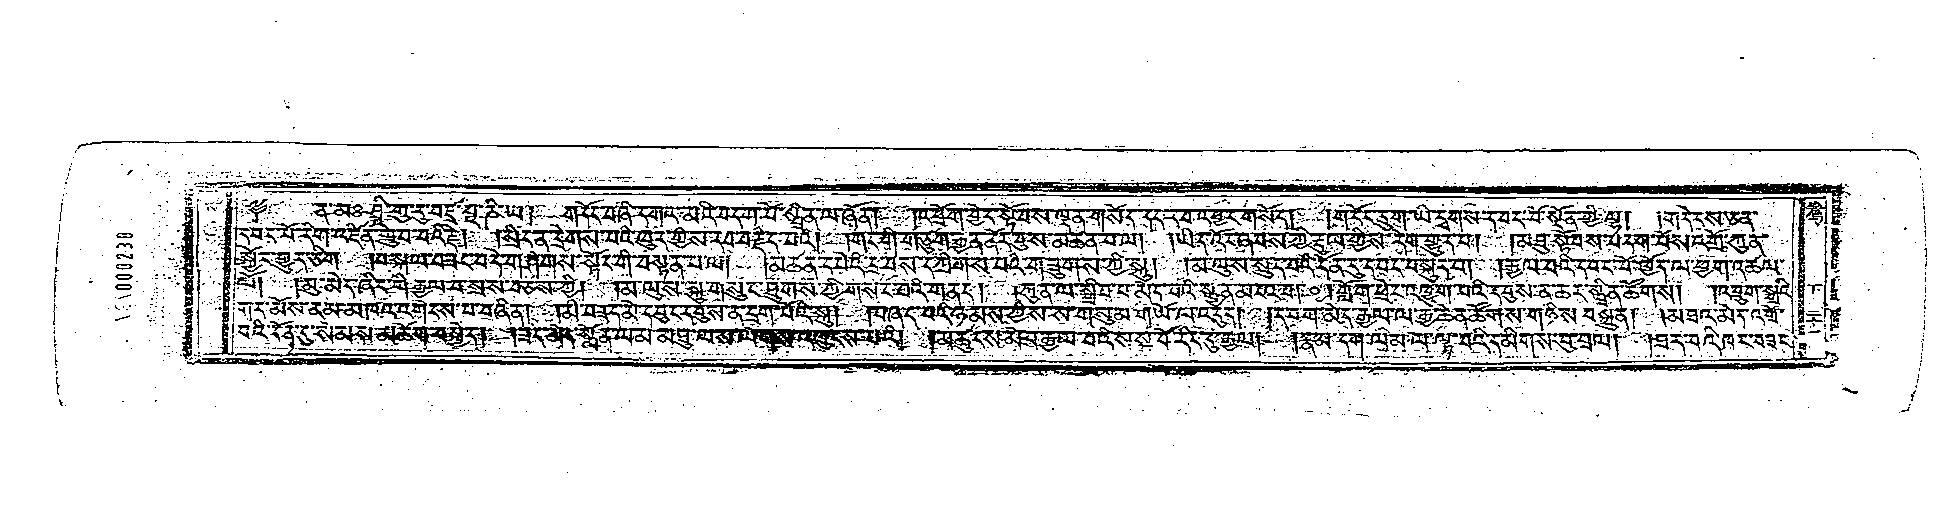༈ ན་མཿ ཤྲཱི་གུ་རུ་བཛྲ་པཱ་ཎི་ཡ། གདོང་བཞི་དགའ་མའི་བདག་པོ་སྤྲིན་ལ་ཞོན། །འཕྲོག་བྱེད་སྟོབས་ལྡན་གསོད་དང་རབ་འཕྱང་གསོད། །གདོང་དྲུག་ཡི་དྭགས་དབང་པོ་སྔོན་གྱི་ལྷ། །གདེངས་ཅན་
དབང་པོ་རིག་འཛིན་གྲུབ་བའི་རྗེ། །སྲིད་ན་དྲེགས་པའི་ཁུར་གྱིས་རབ་བརྗིད་པའི། །གང་གི་གཙུག་རྒྱན་ནོར་བུས་མཚན་པ་ལ། །ཡིད་འོང་ཞབས་ཀྱི་རྡུལ་གྱིས་རེག་གྱུར་པ། །མཐུ་སྟོབས་བདག་པོས་འགྲོ་ཀུན་
སྐྱོང་གྱུར་ཅིག །བསྐལ་བཟང་བདེ་གཤེགས་སྟོང་གི་བསྟན་པ་ལ། །མཚན་དཔེའི་དྲ་བས་དཀྲིགས་པའི་གཟུགས་ཀྱི་སྐུ། །མ་ལུས་སྲུང་བའི་དོན་དུ་དབང་བསྐུར་བ། །རྒྱལ་བའི་དབང་པོ་ཁྱོད་ལ་ཕྱག་འཚལ་
ལོ། །མུ་མེད་ཞིང་གི་རྒྱལ་བ་སྲས་བཅས་ཀྱི། །མ་ལུས་སྐུ་གསུང་ཐུགས་ཀྱི་གསང་བའི་གནང་། །ཀུན་ལ་སྒྲིབ་པ་མེད་བའི་སྦྱན་མངའ་བ། །གློག་ཕྲེང་འཁྱུག་པའི་དབུས་ན་ཆར་སྤྲིན་ཚོགས། །འབྲུག་སྒྲའི་
གད་མོས་ནམ་མཁའ་འགེངས་པ་བཞིན། །མི་བཟད་མེ་དབུང་དབུས་ན་དྲག་པོའི་སྐུ། །བཞད་བའི་ཉམས་ཀྱིས་ས་གསུམ་གཡོ་ལ་འདུད། །དཔག་མེད་རྒྱལ་ལ་རྒྱ་ཆེན་ཚོགས་གཉིས་བསྐྲུན། །མཐའ་མེད་འགྲོ་
བའི་དོན་དུ་སེམས་མཆོག་བསྐྱེད། །ཟད་མེད་སྨོན་ལམ་མཐུ་ལས་ལེགས་འཁྲུངས་པའི། །མཚུངས་མེད་རྒྱལ་བའི་ས་སུ?་བོ་རིང་དུ་རྒྱལ། །རྣམ་དག་ལམ་ལ་ལྟ་བའི་དམིགས་བུ་བྲལ། །ཐར་བའི་ཁང་བཟང་།